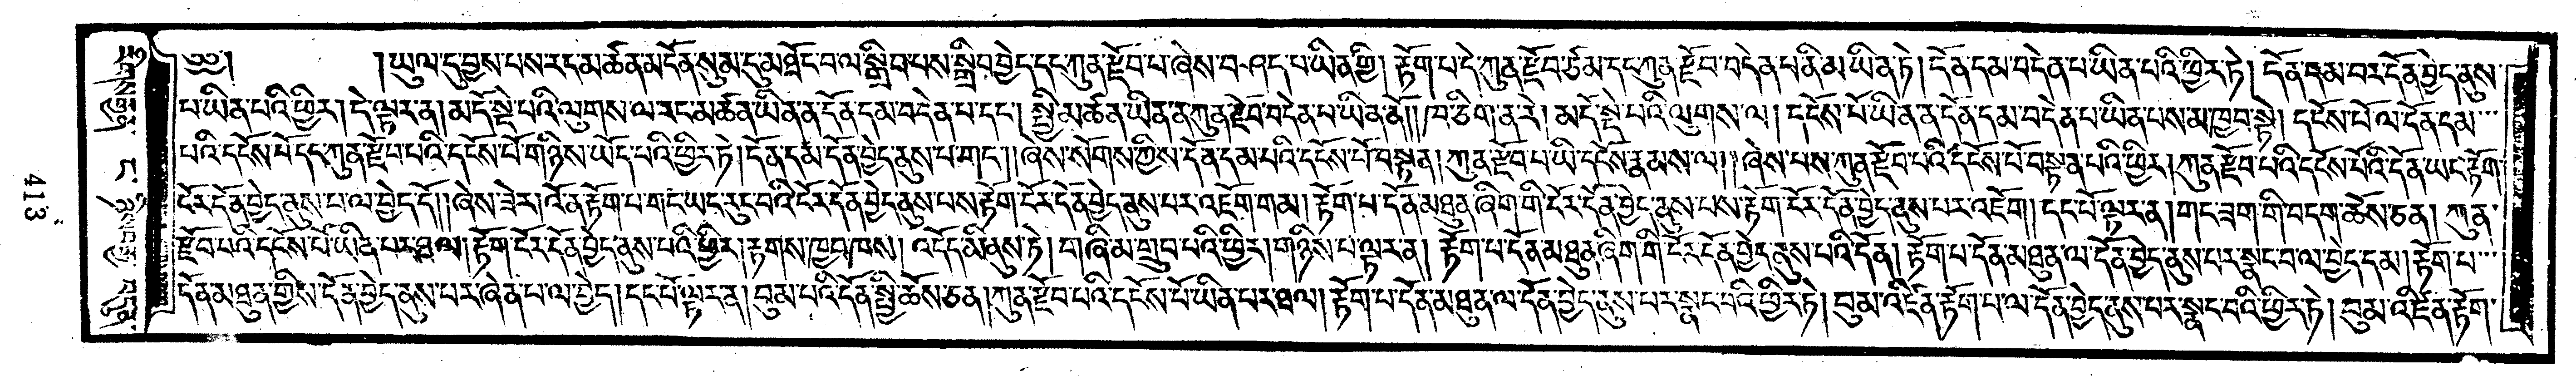༄༅། །ཡུལ་དུ་བྱས་པས་རང་མཚན་མངོན་སུམ་དུ་མཐོང་བ་ལ་སྒྲིབ་པས་སྒྲིབ་བྱེད་དང་ཀུན་རྫོབ་པ་ཞེས་བཤད་པ་ཡིན་གྱི། རྟོག་པ་དེ་ཀུན་རྫོབ་ཙམ་དང་ཀུན་རྫོབ་བདེན་པ་ནི་མ་ཡིན་ཏེ། དོན་དམ་བདེན་པ་ཡིན་པའི་ཕྱིར་ཏེ། དོན་དམ་པར་དོན་བྱེད་ནུས་
པ་ཡིན་པའི་ཕྱིར། དེ་ལྟར་ན། མདོ་སྡེ་པའི་ལུགས་ལ་རང་མཚན་ཡིན་ན་དོན་དམ་བདེན་པ་དང་། སྤྱི་མཚན་ཡིན་ན་ཀུན་རྫོབ་བདེན་པ་ཡིན་ནོ། །ཁ་ཅིག་ན་རེ། མདོ་སྡེ་པའི་ལུགས་ལ། དངོས་པོ་ཡིན་ན་དོན་དམ་བདེན་པ་ཡིན་པས་མ་ཁྱབ་སྟེ། དངོས་པོ་ལ་དོན་དམ་
པའི་དངོས་པོ་དང་ཀུན་རྫོབ་པའི་དངོས་པོ་གཉིས་ཡོད་པའི་ཕྱིར་ཏེ། དོན་དམ་དོན་བྱེད་ནུས་པ་གང་། །ཞེས་སོགས་ཀྱིས་དོན་དམ་པའི་དངོས་པོ་བསྟན། ཀུན་རྫོབ་པ་ཡི་དངོས་རྣམས་ལ། །ཞེས་པས་ཀུན་རྫོབ་པའི་དངོས་པོ་བསྟན་པའི་ཕྱིར། ཀུན་རྫོབ་པའི་དངོས་པོའི་དོན་ཡང་རྟོག་
ངོར་དོན་བྱེད་ནུས་པ་ལ་བྱེད་དོ། །ཞེས་ཟེར། འོ་ན་རྟོག་པ་གང་ཡང་རུང་བའི་ངོར་དོན་བྱེད་ནུས་པས་རྟོག་ངོར་དོན་བྱེད་ནུས་པར་འཇོག་གམ། རྟོག་པ་དོན་མཐུན་ཞིག་གི་ངོར་དོན་བྱེད་ནུས་པས་རྟོག་ངོར་དོན་བྱེད་ནུས་པར་འཇོག ། དང་པོ་ལྟར་ན། གང་ཟག་གི་བདག་ཆོས་ཅན། ཀུན་
རྫོབ་པའི་དངོས་པོ་ཡིན་པར་ཐལ། རྟོག་ངོར་དོན་བྱེད་ནུས་པའི་ཕྱིར། རྟགས་ཁྱབ་ཁས། འདོད་མི་ནུས་ཏེ། གཞི་མ་གྲུབ་པའི་ཕྱིར། གཉིས་པ་ལྟར་ན། རྟོག་པ་དོན་མཐུན་ཞིག་གི་ངོར་དོན་བྱེད་ནུས་པའི་དོན། རྟོག་པ་དོན་མཐུན་ལ་དོན་བྱེད་ནུས་པར་སྣང་བ་ལ་བྱེད་དམ། རྟོག་པ་
དོན་མཐུན་གྱིས་དོན་བྱེད་ནུས་པར་ཞེན་པ་ལ་བྱེད། དང་པོ་ལྟར་ན། བུམ་པའི་དོན་སྤྱི་ཆོས་ཅན། ཀུན་རྫོབ་པའི་དངོས་པོ་ཡིན་པར་ཐལ། རྟོག་པ་དོན་མཐུན་ལ་དོན་བྱེད་ནུས་པར་སྣང་བའི་ཕྱིར་ཏེ། བུམ་འཛིན་རྟོག་པ་ལ་དོན་བྱེད་ནུས་པར་སྣང་བའི་ཕྱིར་ཏེ། བུམ་འཛིན་རྟོག་